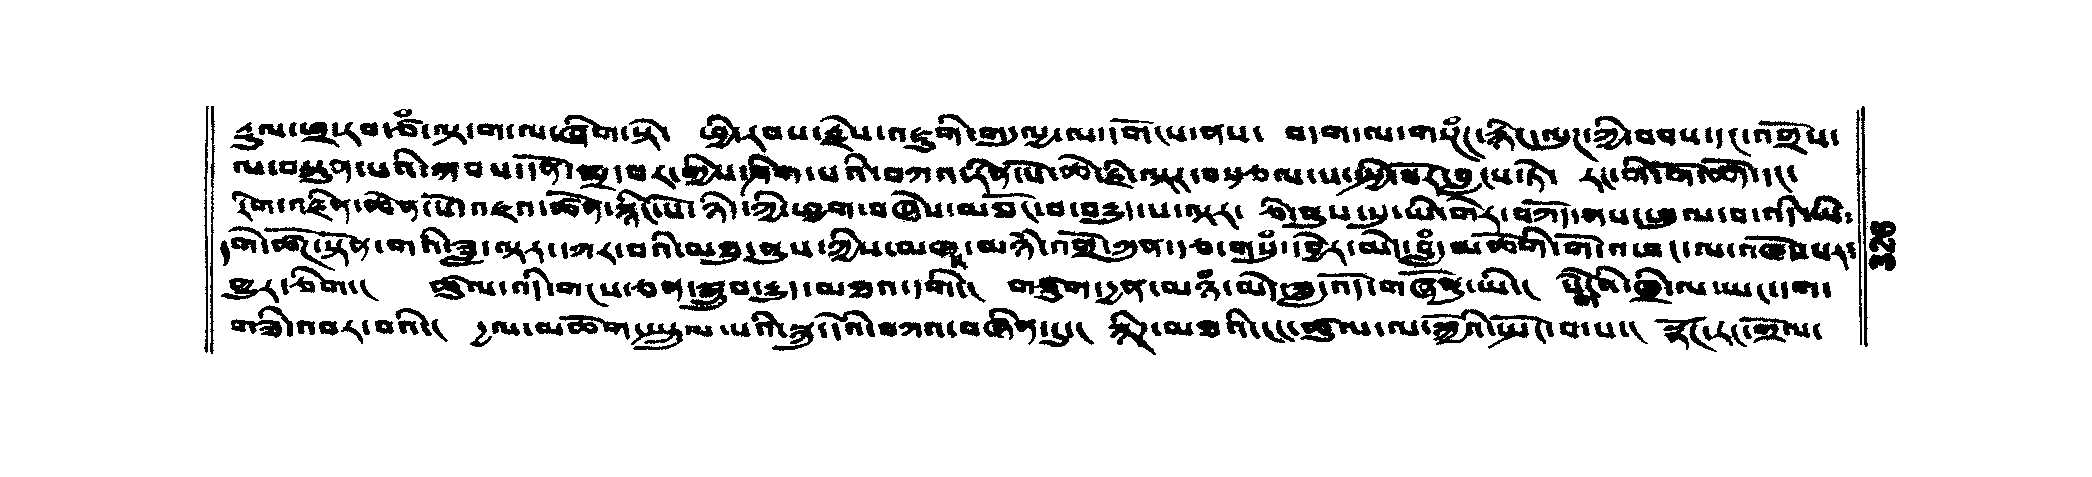རྡུལ་ཕྲན་ཕྲ་རབ་ཙམ་ལྟ་ག་ལ་ཞིག་སྟེ། ཕྱི་རབས་རྗེས་འཇུག་གི་གདུལ་བྱ་ལ་དགོངས་ནས། བདག་ལ་གསང་སྔགས་རྙིང་ལུགས་ཀྱི་བབས་དང་འགྲོས་
ལ་བསྟུན་པའི་སྐབས་དོན་སྨྲ་བར་གྱིས་ཤིག་པའི་བཀའ་རིན་པོ་ཆེ་ཇི་ལྟར་བསྩལ་པ་སྤྱི་བོར་བླངས་ཏེ། རང་གི་གོ་ཚོད་དང་
རིག་འཛིན་ཆེན་པོ་འཇའ་ཚོན་སྙིང་པོ་ཉིད་ཀྱི་ཕྱག་བཞེས་མཐོང་པ་བརྒྱུད་པ་ལྟར། ཅི་ནུས་སུ་ཡི་གེར་བཀོད་ནས་ཕུལ་བ་འདི་ཡི་
དགེ་ཚོགས་སྟོན་གའི་ཟླ་ལྟར་དཀར་བའི་མཐུ་ནུས་ཀྱིས་མཁའ་མཉམ་འགྲོ་ཀུན་རྩ་གསུམ་དབྱེར་མེད་བླ་མཆོག་གི་གོ་འཕང་ལ་འཁོད་པར་
གྱུར་ཅིག་ ཚུལ་འདི་གངས་ཅན་སྒྲུབ་རྒྱུད་མཐའ་དག་གི་། གཙུག་རྒྱན་མཉམ་མེད་ཟླ་འོད་གཞོན་ནུ་ཡི། །སེང་གེའི་ཁྲི་ལ་ཡང་དག་
གཟི་འབར་བའི། །རྒྱལ་མཆོག་སྤྲུལ་པའི་སྐུ་དེའི་བཀའ་བཞིན་དུ། །སྙིགས་མཐའི་ངང་ཚུལ་ལ་སྐྱོའི་སྤོང་བ་ལ། །སྣ་ཚོགས་རང་གྲོལ་